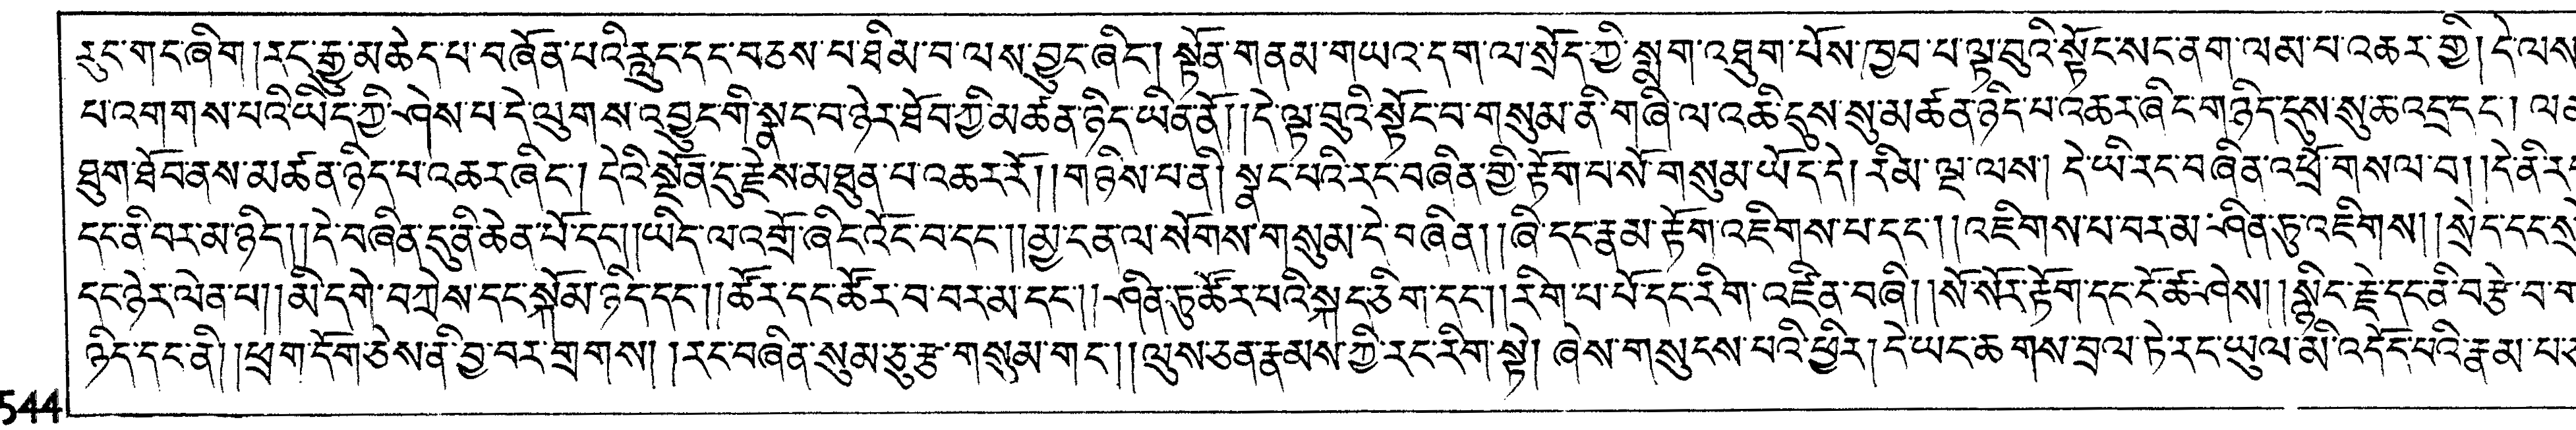རུང་གང་ཞིག །རང་རྒྱུ་མཆེད་པ་བཞོན་པའི་རླུང་དང་བཅས་པ་ཐིམ་བ་ལས་བྱུང་ཞིང་། སྟོན་གནམ་གཡའ་དག་ལ་སྲོད་ཀྱི་སྨག་འཐུག་པོས་ཁྱབ་པ་ལྟ་བུའི་སྟོང་སང་ནག་ལམ་པ་འཆར་གྱི། དེ་ལས་གཞན་པའི་གཉིས་སྣང་རགས་
པ་འགགས་པའི་ཡིད་ཀྱི་ཤེས་པ་དེ་ལུགས་འབྱུང་གི་སྣང་བ་ཉེར་ཐོབ་ཀྱི་མཚན་ཉིད་ཡིན་ནོ། །དེ་ལྟ་བུའི་སྟོང་བ་གསུམ་ནི་གཞི་ལ་འཆི་དུས་སུ་མཚན་ཉིད་པ་འཆར་ཞིང་གཉིད་དུས་སུ་ཆ་འདྲ་དང་། ལམ་དུས་སུ་སེམས་དབེན་མཐར་
ཐུག་ཐོབ་ནས་མཚན་ཉིད་པ་འཆར་ཞིང་། དེའི་སྔོན་དུ་རྗེས་མཐུན་པ་འཆར་རོ། །གཉིས་པ་ནི། སྣང་པའི་རང་བཞིན་གྱི་རྟོག་པ་སོ་གསུམ་ཡོད་དེ། རིམ་ལྔ་ལས། དེ་ཡི་རང་བཞིན་འཕྲོ་གསལ་བ། །དེ་ནི་རབ་ཏུ་བཤད་པར་བྱ། །ཆགས་བྲལ་
དང་ནི་བར་མ་ཉིད། །དེ་བཞིན་དུ་ནི་ཆེན་པོ་དང་། །ཡིད་ལ་འགྲོ་ཞིང་འོང་བ་དང་། །མྱ་ངན་ལ་སོགས་གསུམ་དེ་བཞིན། །ཞི་དང་རྣམ་རྟོག་འཇིགས་པ་དང་། །འཇིགས་པ་བར་མ་ཤིན་ཏུ་འཇིགས། །སྲེད་དང་སྲེད་པ་བར་མ་དག །ཤིན་ཏུ་སྲེད་
དང་ཉེར་ལེན་པ། །མི་དགེ་བཀྲེས་དང་སྐོམ་ཉིད་དང་། །ཚོར་དང་ཚོར་བ་བར་མ་དང་། །ཤིན་ཏུ་ཚོར་པའི་སྐད་ཅིག་དང་། །རིག་པ་པོ་དང་རིག་འཛིན་བཞི། །སོ་སོར་རྟོག་དང་ངོ་ཚ་ཤེས། །སྙིང་རྗེ་དང་ནི་བརྩེ་བ་གསུམ། །དོགས་དང་བསགས་པ་ཉིད་དང་ནི། །ཕྲག་དོག་ཅེས་ནི་བྱ་བར་གྲགས། །རང་བཞིན་སུམ་ཅུ་རྩ་གསུམ་གང་། །ལུས་ཅན་རྣམས་ཀྱི་རང་རིག་སྟེ། ཞེས་གསུངས་པའི་ཕྱིར། དེ་ཡང་ཆགས་བྲལ་ཏེ་རང་ཡུལ་མི་འདོད་པའི་རྣམ་པ་ཅན་གྱི་རྟོག་པ་ཆེ་འབྲིང་ཆུང་